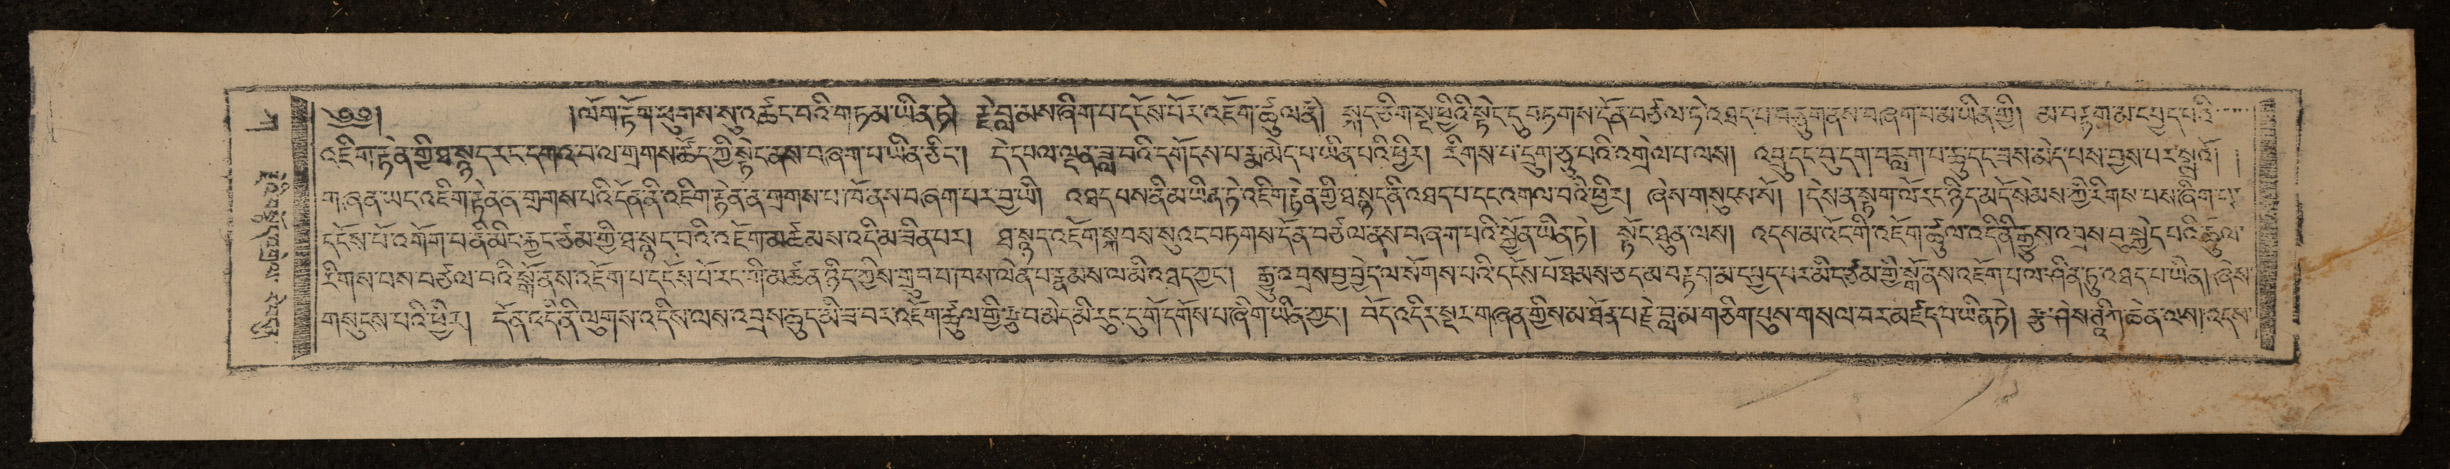༄༅། །ལོག་རྟོག་ཕུགས་སུ་འཚང་བའི་གཏམ་ཡིན་ཏེ། རྗེ་བླ་མས་ཞིག་བ་དངོས་པོར་འཇོག་ཚུལ་ནི། སྐད་ཅིག་སྔ་ཕྱིའི་སྟིང་དུ་བཏགས་དོན་བཙལ་ཏེ་འཐད་པ་བཅུག་ནས་བཞག་པ་མ་ཡིན་གྱི། མ་བརྟག་མ་དཔྱད་པའི་
འཇིག་རྟེན་གྱི་ཐ་སྙད་རང་དགའ་བ་ལ་གྲགས་ཚོད་ཀྱི་སྟེང་ནས་བཞག་པ་ཡིན་ཅིང་། དེ་དཔལ་ལྡན་ཟླ་བའི་དགོངས་པ་རྨ་མེད་པ་ཡིན་པའི་ཕྱིར། རིགས་པ་དྲུག་ཅུ་པའི་འགྲེལ་པ་ལས། འབྲུ་དང་བུ་དག་བརླག་པ་ཆུ་དང་ཟས་མེད་པས་བྱས་པར་སྨྲའོ། །
གཞན་ཡང་འཇིག་རྟེན་ན་གྲགས་པའི་དོན་ནི་འཇིག་རྟེན་ན་གྲགས་པ་ཁོ་ནས་བཞག་པར་བྱ་ཡི། འཐད་པས་ནི་མ་ཡིན་ཏེ་འཇིག་རྟེན་གྱི་ཐ་སྙད་ནི་འཐད་པ་དང་འགལ་བའི་ཕྱིར། ཞེས་གསུངས་སོ། །དེས་ན་སྟག་ལོ་རང་ཉིད་མདོ་སེམས་ཀྱི་རིགས་པས་ཞིག་པ་
དངོས་པོ་འགོག་པ་ནི་མིང་རྐྱང་ཙམ་གྱི་ཐ་སྙད་པའི་འཇོག་མཚམས་འདི་མ་ཟིན་པར། ཐ་སྙད་འཇོག་སྐབས་སུའང་བཏགས་དོན་བཙལ་ནས་བ་ཞག་པའི་སྐྱོན་ཡིན་ཏེ། སྟོང་ཐུན་ལས། འདས་མ་འོང་གི་འཇོག་ཚུལ་འདི་ནི་རྒྱུས་འབྲས་བུ་སྐྱེད་པའི་ཚུལ་
རིགས་པས་བཙལ་བའི་སྒོ་ནས་འཇོག་པ་དངོས་པོ་རང་གི་མཚན་ཉིད་ཀྱིས་གྲུབ་པ་ཁས་ལེན་པ་རྣམས་ལ་མི་འཐད་ཀྱང་། རྒྱུ་འབྲས་བྱ་བྱེད་ལ་སོགས་པའི་དངོས་པོ་ཐམས་ཅད་མ་བརྟག་མ་དབྱད་པར་མིང་ཙམ་གྱི་སྒོ་ནས་འཇོག་པ་ལ་ཤིན་ཏུ་འཐད་པ་ཡིན། ཞེས་
གསུངས་པའི་ཕྱིར། དོན་འདི་ནི་ལུགས་འདིས་ལས་འབྲས་ཆུད་མི་ཟ་བར་འཇོག་ཚུལ་གྱི་རྩ་བ་མེད་མི་རུང་དུ་གོ་དགོས་པ་ཞིག་ཡིན་ཀྱང་། བོད་འདིར་སྔར་གཞན་གྱིས་མཐོན་པ་རྗེ་བླ་མ་གཅིག་པུས་གསལ་བར་མཛད་པ་ཡིན་ཏེ། རྩ་ཤེས་ཊཱིཀ་ཆེན་ལས། འདས་